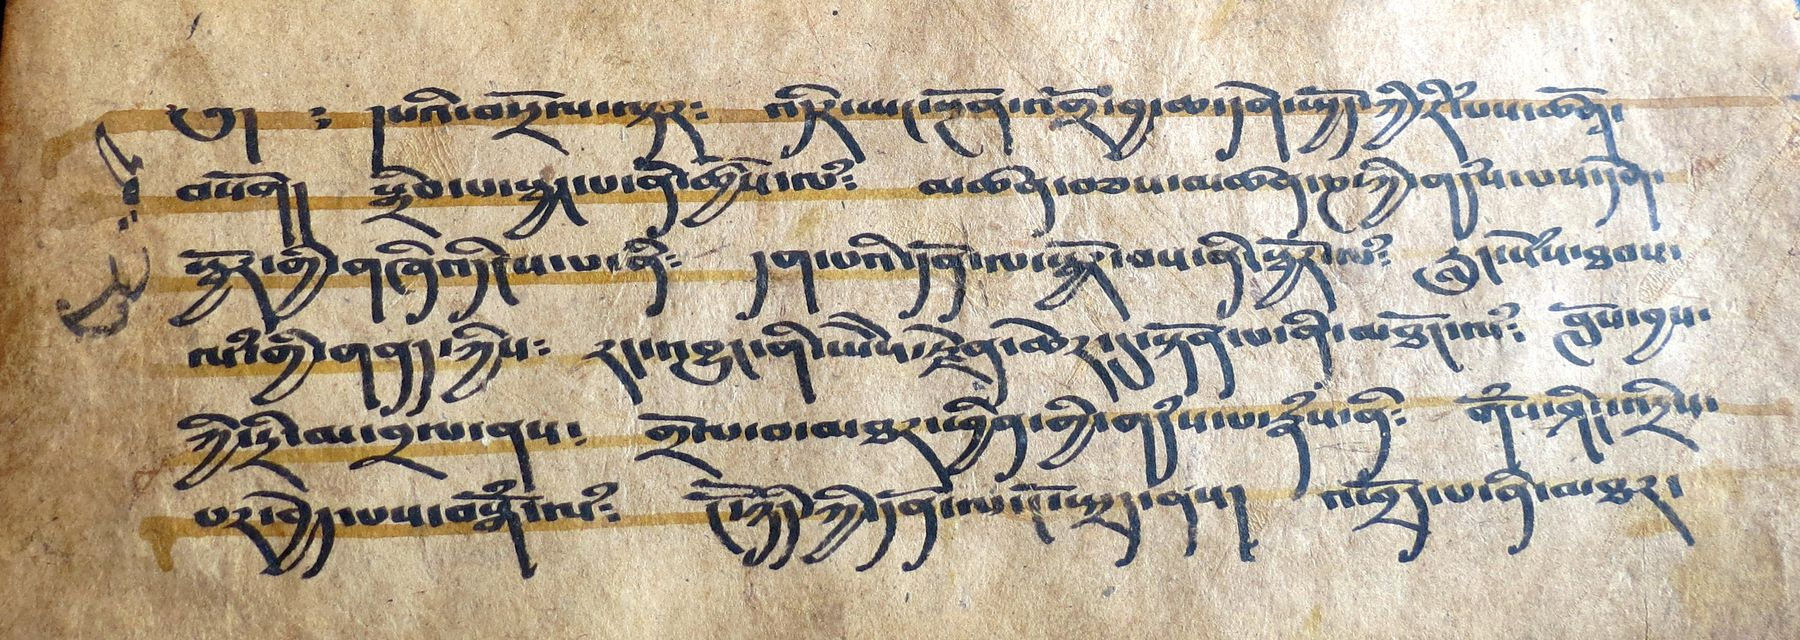པའི་སྲོལ་ལྟར། འདིར་ཡང་སྔོན་འགྲོ་བྱ་ཆ་དགེ་སྤྱོད་ཀྱི་རིམ་པའི་ཚོགས་
སོག་སྒྲིབ་པ་སྦྱོང་བ་ནི་ཚོགས་ལམ། མཚན་བཅས་མཚན་མེད་ཀྱི་གདམས་པས་དགེ་
སྦྱོར་གྱི་གཞི་འདིངས་པ་ནི་དག་པའི་དོན་ལ་སྦྱོར་བས་སྦྱོར་ལམ། རླུང་སེམས་ཐབས་
ལམ་གྱི་གནད་ཀྱིས་རང་འབྱུང་གི་ཡེ་ཤེས་རྗེན་གཅེར་དུ་སྟོན་པ་ནི་མཐོང་ལམ། བློས་བྱས་
ཀྱི་དྲི་མ་དབྲལ་བས་ན། གྲོལ་བ་མཐར་ཕྱིན་གྱི་གདམས་པ་རྣམས་ནི་གོམས་ཤིང་འདྲིས་
པར་བྱེད་པས་སྒོམ་ལམ། ངོ་བོ་ཉིད་ཀྱི་དོན་ལ་ངོ་སྤྲད་ནས་འཕྲོད་པ་ནི། མཐར་